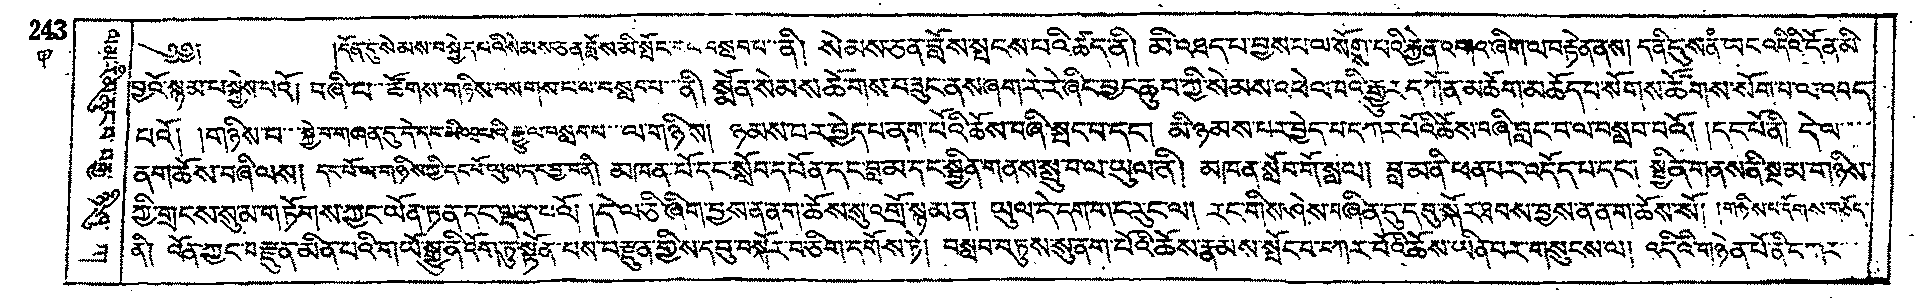༄༅། །དོན་དུ་སེམས་བསྐྱེད་པའི་སེམས་ཅན་བློས་མི་སྤོང་བ་ལ་བསླབ་པནི། སེམས་ཅན་བློས་སྤངས་པའི་ཚད་ནི། མི་འཐད་པ་བྱས་པ་ལ་སོགས་པའི་རྐྱེན་འགའ་ཞིག་ལ་བརྟེན་ནས། ད་ནི་དུས་ནཾ་ཡང་འདིའི་དོན་མི་
བྱའོ་སྙམ་པ་སྐྱེས་པའོ། བཞི་པཚོགས་གཉིས་བསགས་པ་ལ་བསླབ་པནི། སྨོན་སེམས་ཆོ་གས་བཟུང་ནས་ཞག་རེ་རེ་ཞིང་བྱང་ཆུབ་ཀྱི་སེམས་འཕེལ་བའི་རྒྱུར་དཀོན་མཆོག་མཆོད་པ་སོགས་ཚོགས་སོག་པ་ལ་འབད་
པའོ། །གཉིས་པསྐྱེ་བ་གཞན་དུ་དེ་དང་མི་འབྲལ་བའི་རྒྱུ་ལ་བསླབ་པལ་གཉིས། ཉམས་པར་བྱེད་པ་ནག་པོའི་ཆོས་བཞི་སྤང་བ་དང་། མི་ཉམས་པར་བྱེད་པ་དཀར་པོའི་ཆོས་བཞི་བླང་བ་ལ་བསླབ་པའོ། །དང་པོ་ནི། དེ་ལ་
ནག་ཆོས་བཞི་ལས། དང་པོ་ལ་གཉིས་ཀྱི་དང་པོ་ཡུལ་དང་བྱ་བ་ནི།  མཁན་པོ་དང་སློབ་དཔོན་དང་བླ་མ་དང་སྦྱིན་གནས་སླུ་བ་ལ་ཡུལ་ནི། མཁན་སློབ་གོ་སླ་ལ། བླ་མ་ནི་ཕན་པར་འདོད་པ་དང་། སྦྱིན་གནས་ནི་སྔ་མ་གཉིས་
ཀྱི་གྲངས་སུ་མ་གཏོགས་ཀྱང་ཡོན་ཏན་དང་ལྡན་པའོ། །དེ་ལ་ཅི་ཞིག་བྱས་ན་ནག་ཆོས་སུ་འགྲོ་སྙམ་ན། ཡུལ་དེ་དག་གང་རུང་ལ། རང་གིས་ཤེས་བཞིན་དུ་དབུ་སྐོར་ཐབས་བྱས་ན་ནག་ཆོས་སོ། །གཉིས་པ་དོགས་གཅོད་
ནི། འོན་ཀྱང་བརྫུན་མིན་པའི་གཡོ་སྒྱུ་ནི་འོག་ཏུ་སྟོན་པས་བརྫུན་གྱིས་དབུ་བསྐོར་པ་ཅིག་དགོས་ཏེ། བསླབ་བཏུས་སུ་ནག་པོའི་ཆོས་རྣམས་སྤོང་བ་དཀར་པོའི་ཆོས་ཡིན་པར་གསུངས་ལ། འདིའི་གཉེན་པོ་ནི་དཀར་